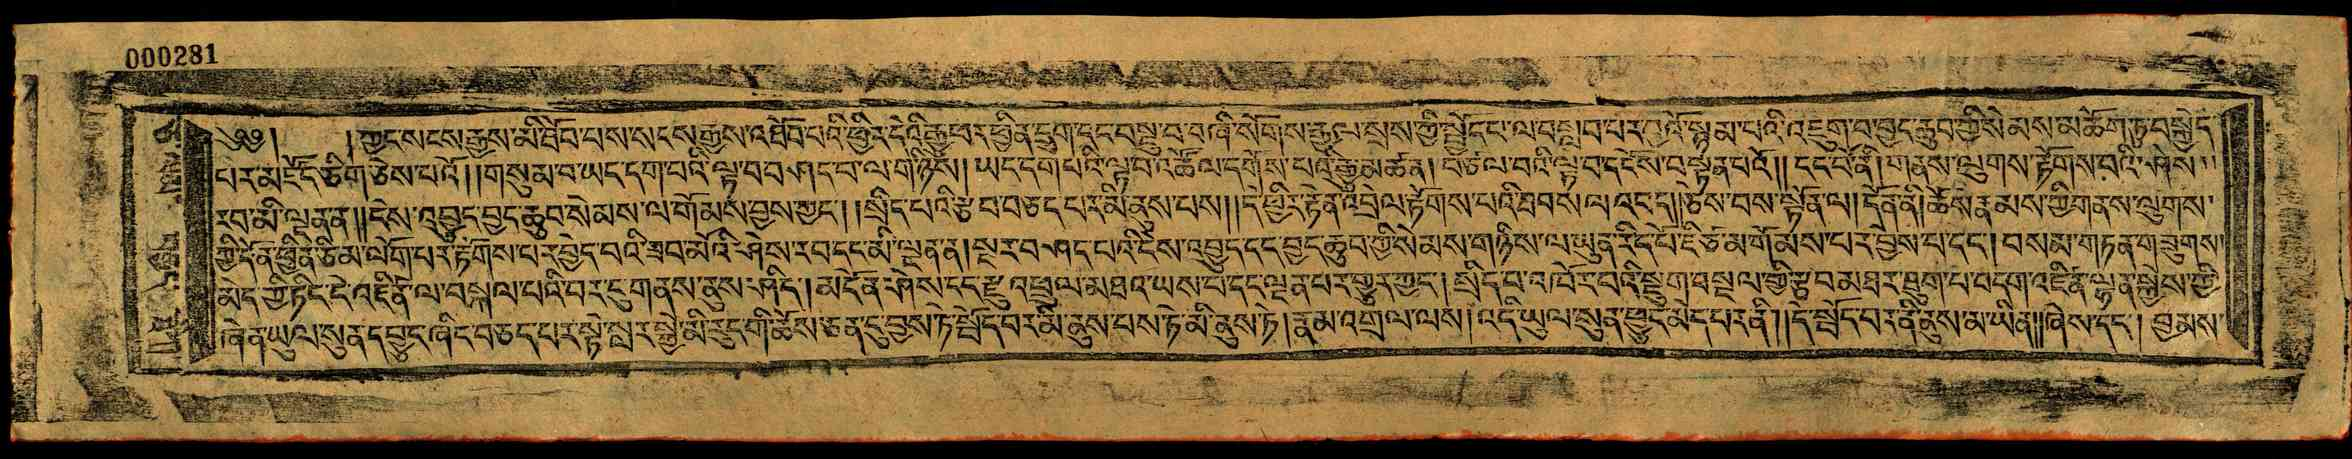༄༅། །ཀྱང་སངས་རྒྱས་མི་ཐོབ་པས་སངས་རྒྱས་འཐོབ་པའི་ཕྱིར་དེའི་རྒྱུ་ཕར་ཕྱིན་དྲུག་དང་བསྡུ་བ་བཞི་སོགས་རྒྱལ་སྲས་ཀྱི་སྤྱོད་པ་ལ་བསླབ་པར་བྱའོ་སྙམ་པའི་འཇུག་པ་བྱང་ཆུབ་ཀྱི་སེམས་མཆོག་ཏུ་བསྐྱེད་
པར་མཛོད་ཅིག་ཅེས་པའོ། །གསུམ་པ་ཡང་དག་པའི་ལྟ་བ་བཤད་པ་ལ་གཉིས། ཡང་དག་པའི་ལྟ་བ་འཚོལ་དགོས་པའི་རྒྱུ་མཚན། བཙལ་བའི་ལྟ་བ་དངོས་བསྟན་པའོ། །དང་པོ་ནི། གནས་ལུགས་རྟོགས་པའི་ཤེས་
རབ་མི་ལྡན་ན། །ངེས་འབྱུང་བྱང་ཆུབ་སེམས་ལ་གོམས་བྱས་ཀྱང་། །སྲིད་པའི་རྩ་བ་བཅད་པར་མི་ནུས་པས། །དེ་ཕྱིར་རྟེན་འབྲེལ་རྟོགས་པའི་ཐབས་ལ་འབད། །ཅེས་པས་སྟོན་ལ། དོན་ནི། ཆོས་རྣམས་ཀྱི་གནས་ལུགས་
ཀྱི་དོན་ཕྱིན་ཅི་མ་ལོག་པར་རྟོགས་པར་བྱེད་པའི་ཟབ་མོའི་ཤེས་རབ་དང་མི་ལྡན་ན། སྔར་བཤད་པའི་ངེས་འབྱུང་དང་བྱང་ཆུབ་ཀྱི་སེམས་གཉིས་ལ་ཡུན་རིང་པོ་ཇི་ཙམ་གོམས་པར་བྱས་པ་དང་། བསམ་གཏན་གཟུགས་
མེར་གྱི་ཏིང་ངེ་འཛིན་ལ་བསྐལ་བའི་བར་དུ་གནས་ནུས་ཤིང་། མངོན་ཤེས་དང་རྫུ་འཕྲུལ་མཐའ་ཡས་པ་དང་ལྡན་པར་གྱུར་ཀྱང་། སྲིད་པ་འཁོར་བའི་སྡུག་བསྔལ་གྱི་རྩ་བ་མཐར་ཐུག་པ་བདག་འཛིན་ལྷན་སྐྱེས་ཀྱི་
ཞེན་ཡུལ་སུན་དུ་བྱུང་ཞིང་བཅད་པར་སྟེ་སླར་སྐྱེ་མི་རུང་གི་ཆོས་ཅན་དུ་བྱས་ཏེ་སྤོང་བར་མི་ནུས་པས་ཏེ་མི་ནུས་ཏེ། རྣམ་འགྲེལ་ལས། འདི་ཡུལ་སུན་ཕྱུང་མེད་པར་ནི། །དེ་སྤོང་བར་ནི་ནུས་མ་ཡིན། ཞེས་དང་། བྱམས་